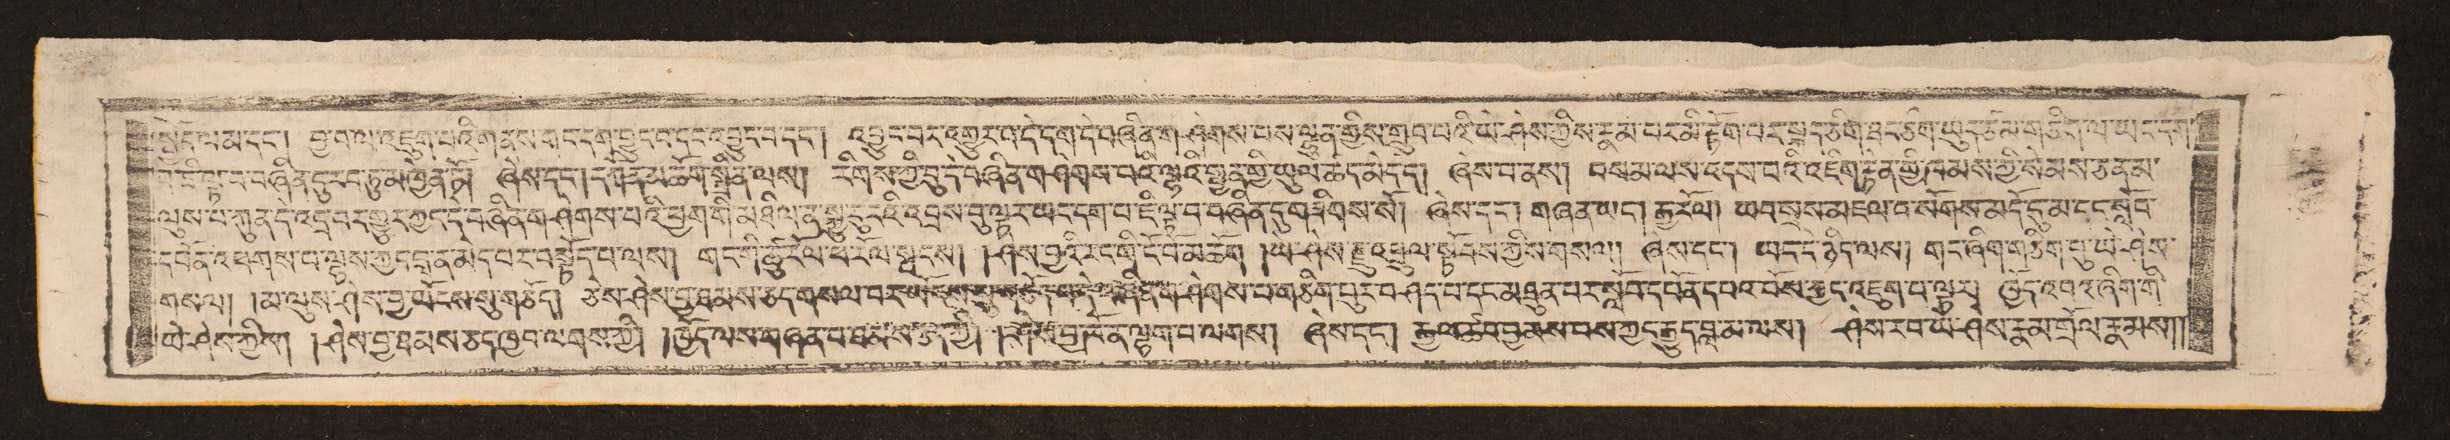སྤྱོད་ལམ་དང་། བྱ་བ་ལ་འཇུག་པའི་གནས་གང་དག་བྱུང་བ་དང་འབྱུང་བ་དང་། འབྱུང་བར་འགྱུར་བ་དེ་དག་དེ་བཞིན་གཤེགས་པས་ལྷུན་གྱིས་གྲུབ་པའི་ཡེ་ཤེས་ཀྱིས་རྣམ་པར་མི་རྟོག་པར་སྐད་ཅིག་ཐང་ཅིག་ཡུད་ཙམ་གཅིག་ལ་ཡང་དག་
པ་ཇི་ལྟ་བ་བཞིན་དུ་རབ་ཏུ་མཁྱེན་ཏོ། ཞེས་དང་། དཀོན་མཆོག་སྤྲིན་ལས། རིགས་ཀྱི་བུ་དེ་བཞིན་གཤེགས་པའི་ལྷའི་སྤྱན་གྱི་ཡུལ་ཚད་མེད་དེ། ཞེས་པ་ནས། བསམ་ལས་འདས་པའི་འཇིག་རྟེན་གྱི་ཁམས་ཀྱི་སེམས་ཅན་མ་
ལུས་པ་ཀུན་དེ་འདྲ་བར་གྱུར་ཀྱང་དེ་བཞིན་གཤེགས་པའི་ཕྱག་གི་མཐིལ་ན་སྐྱུ་རུ་རའི་འབྲས་བུ་ལྟར་ཡང་དག་པ་ཇི་ལྟ་བ་བཞིན་དུ་གཟིགས་སོ། ཞེས་དང་། གཞན་ཡང་། རྒྱ་རོལ། ཡབ་སྲས་མཇལ་བ་སོགས་མདོ་དུ་མ་དང་སློབ་
དཔོན་འཕགས་པ་ལྷས་ཀྱང་བླ་ན་མེད་པར་བསྟོད་པ་ལས། གང་གི་ཚུ་རོལ་ཕ་རོལ་སྤངས། །ཤེས་བྱའི་རང་གི་ངོ་བོ་མཆོག །ཡེ་ཤེས་རྫུ་འཕྲུལ་སྟོབས་ཀྱིས་གསལ། ཞེས་དང་། ཡང་དེ་ཉིད་ལས། གང་ཞིག་གཅིག་བུ་ཡེ་ཤེས་
གསལ། །མ་ལུས་ཤེས་བྱ་ཡོངས་སུ་གཅོད། ཅེས་ཤེས་བྱ་ཐམས་ཅད་གསལ་བར་ཡོངས་སུ་གཅོད་པ་དེ་བཞིན་གཤེགས་པ་གཅིག་པུར་བཤད་པ་དང་མཐུན་པར་སློབ་དཔོན་དཔའ་བོས་ཀྱང་འཇུག་པ་ལྟར། ཁྱོད་འབའ་ཞིག་གི་
ཡེ་ཤེས་ཀྱིས། །ཤེས་བྱ་ཐམས་ཅད་ཁྱབ་ལགས་ཀྱི། །ཁྱོད་ལས་གཞན་པ་ཐམས་ཅད་ཀྱི། །ཤེས་བྱ་ཁོ་ན་ལྷག་པ་ལགས། ཞེས་དང་། རྒྱལ་ཚབ་བྱམས་པས་ཀྱང་རྒྱུད་བླ་མ་ལས། ཤེས་རབ་ཡེ་ཤེས་རྣམ་གྲོལ་རྣམས།།